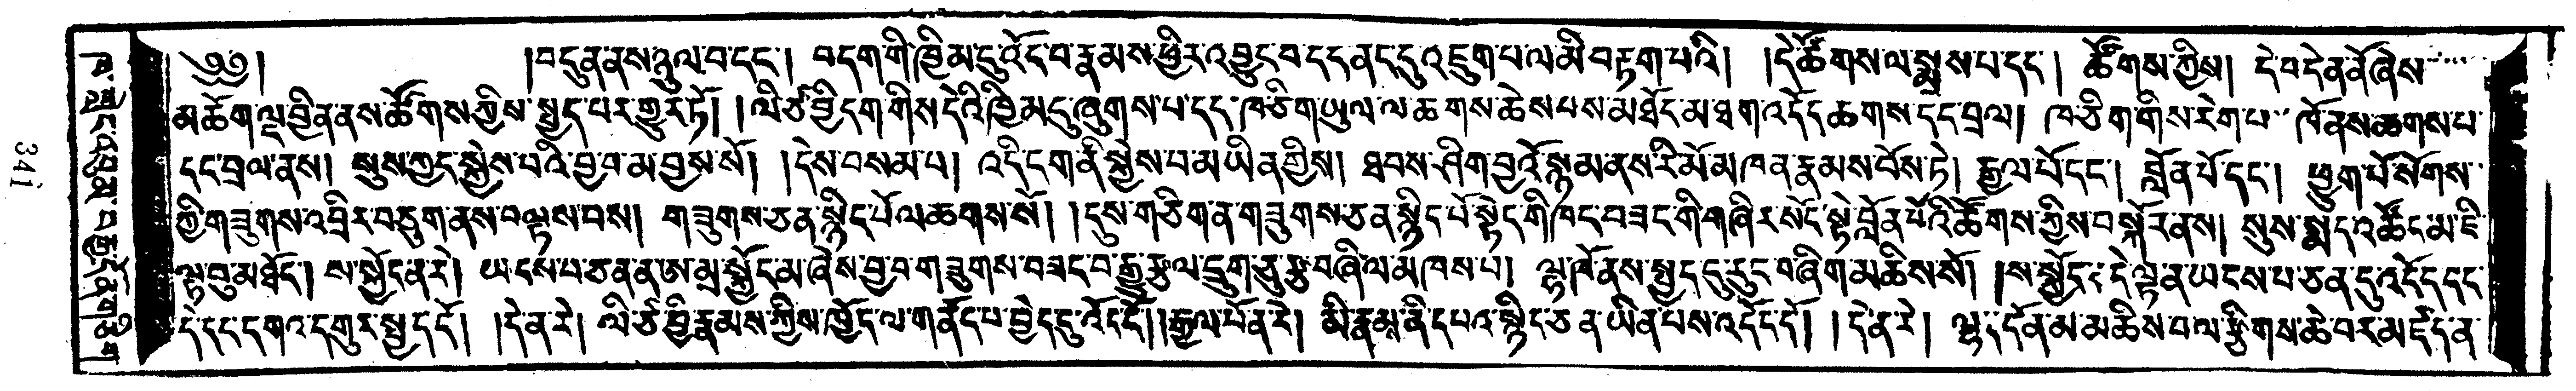༄༅། །བདུན་ནས་ཉུལ་བ་དང་། བདག་གི་ཁྱིམ་དུ་འོང་བ་རྣམས་ཕྱིར་འབྱུང་བ་དད་ནང་དུ་འཇུག་པ་ལ་མི་བརྟག་པའི། །དེ་ཚོགས་ལ་སྨྲས་པ་དང་། ཚོགས་ཀྱིས། དེ་བདེན་ནོ་ཞེས་
མཆོག་ལྔ་བྱིན་ནས་ཚོགས་ཀྱིས་སྤྱད་པར་གྱུར་ཏོ། །ལི་ཙ་བྱི་དག་གིས་དེའི་ཁྱིམ་དུ་ཞུགས་པ་དད་ཁ་ཅིག་གཡུལ་ལ་ཆགས་ཆེས་པས་མཐོང་མ་ཐག་འདོད་ཆགས་དང་བྲལ། ཁ་ཅིག་གིས་རེག་པ་ཁོ་ནས་ཆགས་པ་
དང་བྲལ་ནས། སུས་ཀྱང་སྐྱེས་པའི་བྱ་བ་མ་བྱས་སོ། །དེས་བསམ་པ། འདི་དག་ནི་སྐྱེས་པ་མ་ཡིན་གྱིས། ཐབས་ཤིག་བྱའོ་སྙམ་ནས་རི་མོ་མཁན་རྣམས་བོས་ཏེ། རྒྱལ་པོ་དང་། བློན་པོ་དང་། ཕྱུག་པོ་སོགས་
ཀྱི་གཟུགས་འབྲིར་བཅུག་ནས་བལྟས་བས། གཟུགས་ཅན་སྙིང་པོ་ལ་ཆགས་སོ། །དུས་གཅིག་ན་གཟུགས་ཅན་སྙིང་པོ་སྟེད་གི་ཁང་བཟང་གི་གཞིར་སོང་སྟེ་བློན་པོའི་ཚོགས་ཀྱིས་བསྐོར་ནས། སུས་སྨད་འཚོང་མ་ཇི་
ལྟ་བུ་མཐོང་། ས་སྐྱོང་ན་རེ། ཡངས་པ་ཅན་ན་ཨ་མྲ་སྐྱོང་མ་ཞེས་བྱ་བ་གཟུགས་བཟང་བ་རྒྱུ་རྩལ་དྲུག་ཅུ་རྩ་བཞི་ལ་མཁས་པ། ལྷ་ཁོ་ནས་སྤྱད་དུ་རུང་བ་ཞིག་མཆིས་སོ། །ས་སྐྱོང༑ དེ་ལྟ་ན་ཡངས་པ་ཅན་དུ་འདོད་དང་
དེ་དང་དགའ་དགུར་སྤྱད་དོ། །དེ་ན་རེ། ལི་ཙ་བྱི་རྣམས་ཀྱིས་ཁྱོད་ལ་གནོད་པ་བྱེད་དུ་འོང་ངོ། །རྒྱལ་པོ་ན་རེ། མི་རྣམས་ནི་དཔའ་སྙིང་ཅན་ཡིན་པས་འདོང་དོ། །དེ་ན་རེ། ལྷ༑ དོན་མ་མཆིས་པ་ལ་རྩིགས་ཆེ་བར་མཛད་ན་